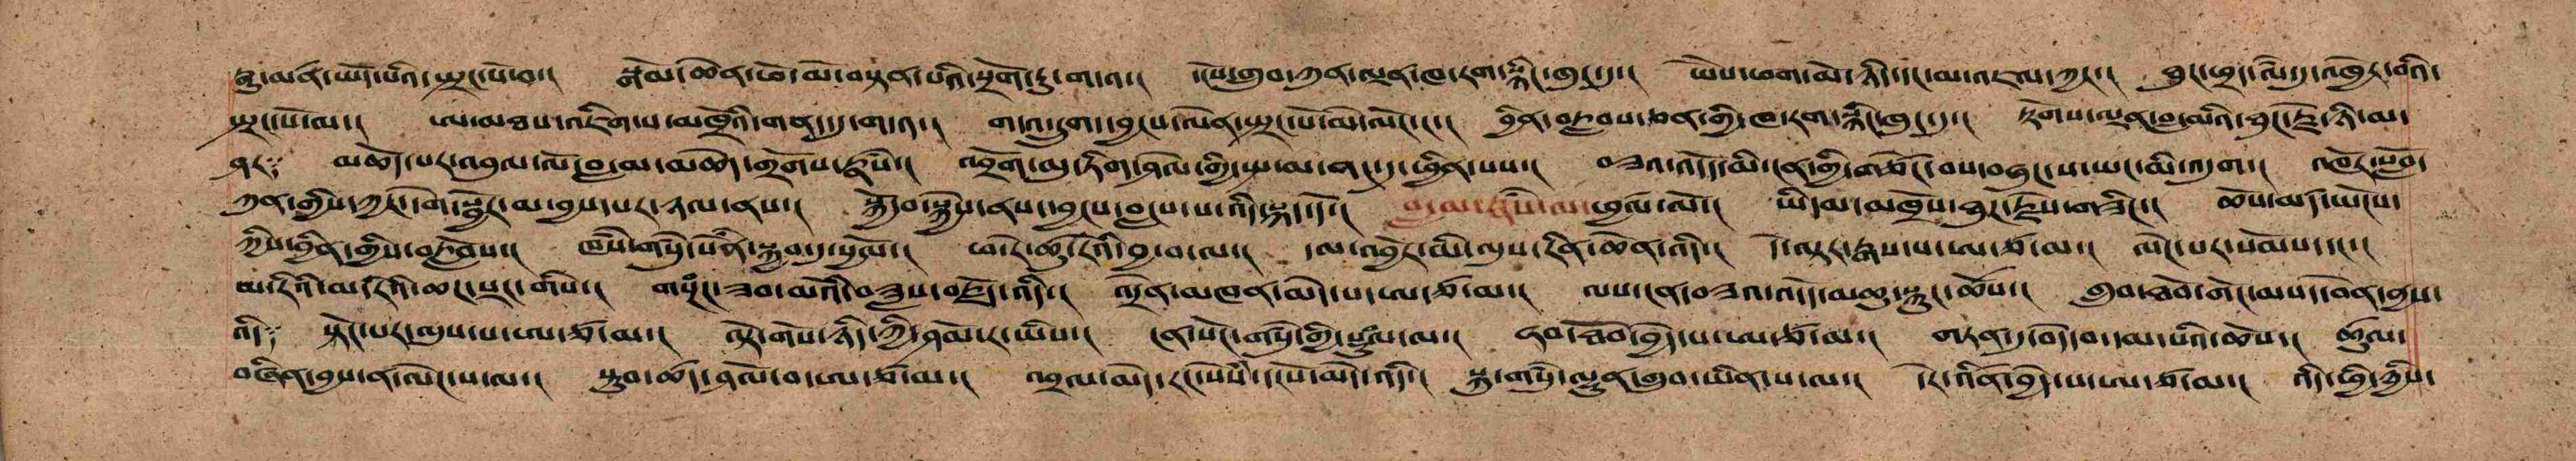རྒྱུ་མཚན་ཡོད་པའི་སྤྲང་པོ་བ། སྒོམ་ཆེན་ཕོ་མོ་བསྟན་པའི་སྲོག་ཏུ་གདའ། དངོས་གྲུབ་ཀུན་ལྡན་ཁ་རག་སྙིང་ཁུང་དུ། ཡེ་ཤེས་ཕག་མོ་ཉིད་དང་མ་མཇལ་ཀྱང་། ཐུགས་འཕྲད་ལམ་དུ་འཁྱེར་བའི་
སྤྲང་པོ་མ། ཨ་མཐས་འཇིག་པ་མཁའ་འགྲོའི་གནད་དུ་གདའ། གདའ་དྲུག་དབྱངས་ལེན་སྤྲང་པོ་མེ་ལོང་ང་། བྱིན་བརླབས་ཅན་གྱི་ཁ་རག་སྙིང་ཁུང་དུ། རྟོགས་ལྡན་བླ་མའི་ཐུགས་རྗེ་ཉི་མ་
ཤར༑ མཆོད་པར་འབུལ་ལོ་བླ་མ་མཆེད་གྲོགས་རྣམས། འབྲོག་མུ་ཏིག་ཤེལ་གྱི་སྤ་མ་ནང་དུ་ཕྱིན་པས། བཟའ་འདོད་མི་ངན་གྱི་གཙེང་བས་བཞུགས་ས་ཡང་མི་འདུག། འཁོར་སློབ་
ཀུན་གྱིས་ཀྱང་དགེ་སྦྱོར་མ་བྱས་པར་ཉལ་ནས། སྐྱོ་བ་སྐྱེས་ནས་དབྱངས་བླངས་པ་འདི་སྐད་དོ། བླ་མ་རྣམས་ལ་ཕྱག་འཚལ་ལོ། ཡིད་དམ་མཁའ་འགྲོ་ཐུགས་རྗེས་གཟིགས། ཆོས་མཛད་ཡོངས་
ཀྱིས་བྱིན་གྱིས་བརློབས། ཁམས་གསུམ་སེམས་ཅན་སྐྱབས་དུ་གསོལ། ཕ་རེ་ཚུ་རེའི་བྱ་བ་ལ། དལ་འབྱོར་མི་ལུས་རིན་ཆེན་འདི། དེ་ལྟར་རྒས་པ་ཨ་ཙ་མ། ལེགས་པར་སོམས་དང་
མ་རིའི་མ་རིའི་ཆགས་སྡང་གིས། གསང་སྔཊ་ཟབ་མོའི་བཟླས་བརྗོད་འདི། འདྲེན་མཁན་མེད་པ་ཨ་ཙ་མ། ལས་ངན་བཟའ་འདོད་མཆུ་སྙུང་ཚེས། གྲུབ་ཐོབ་གོང་མས་དབེན་གནས་
འདི༑། སྟོང་པར་ལུས་པ་ཨ་ཙ་མ། ལྟོ་གོས་ཟབ་མོའི་བཟླས་བརྗོད་འདི། ངན་སོང་གསུམ་གྱི་སྡུག་བསྔལ་ལ། ཞབ་ཐོབ་བྱེད་པ་ཨ་ཙ་མ། གཏན་དུ་བདེ་བ་དམ་པའི་ཆོས། ཚུལ་
བཞིན་བྱས་ན་ལེགས་པ་ལ། སྟུབ་ཚད་ཤོལ་བ་ཨ་ཙ་མ། འབྲལ་མེད་རང་སེམས་དངོས་མེད་འདི། སྐུ་གསུམ་ལྷུན་གྲུབ་ཡིན་པ་ལ། དེར་འཛིན་བྱེད་པ་ཨ་ཙ་མ། འདི་ཕྱི་གཉིས་